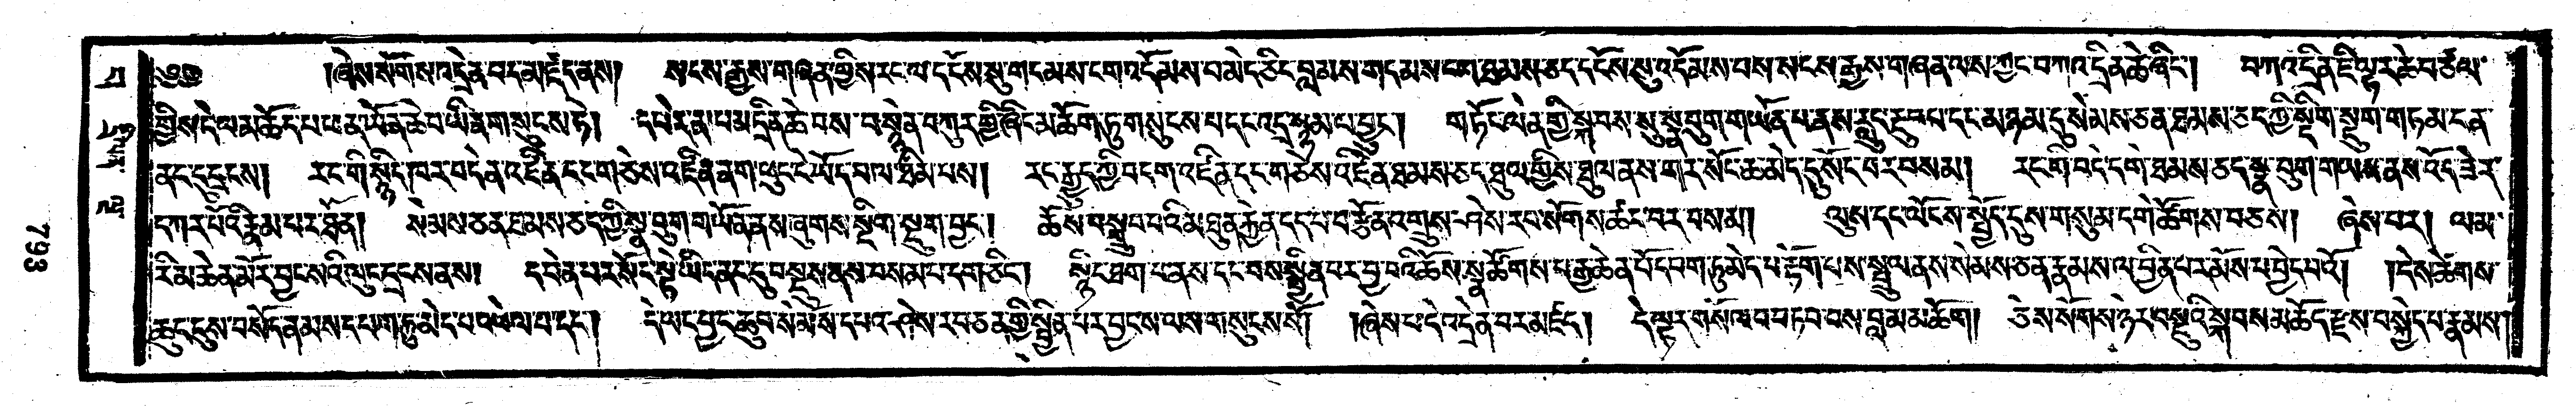༄༅། །ཞེས་སོགས་འདྲེན་པར་མཛད་ནས། སངས་རྒྱས་གཞན་གྱིས་རང་ལ་དངོས་སུ་གདམས་ངག་འདོམས་པ་མེད་ཅིང་བླ་མས་གདམས་ངག་ཐམས་ཅད་དངོས་སུ་འདོམས་པས་སངས་རྒྱས་གཞན་ལས་ཀྱང་བཀའ་དྲིན་ཆེ་ཞིང་། བཀའ་དྲིན་ཇི་ལྟར་ཆེ་བཙལ་
གྱིས་དེ་ལ་མཆོད་པ་ཕན་ཡོན་ཆེ་བ་ཡིན་གསུངས་ཏེ། དཔེར་ན་པམ་དྲིན་ཆེ་བས་བསྙེན་བཀུར་གྱི་ཞིང་མཆོག་ཏུ་གསུངས་པ་དང་འདྲ་སྙམ་པ་བྱུང་། གཏོང་ལེན་གྱི་སྐབས་སུ་སྣ་བུག་གཡོན་པ་ནས་རླུང་རྡུབ་པ་དང་མཉམ་དུ་སེམས་ཅན་ཐམས་ཅད་ཀྱི་སྡིག་སྡུག་གཏམ་ངན་
ནང་དུ་དྲངས། རང་གི་སྙིང་ཁར་བདེན་འཛིན་དང་གཅེས་འཛིན་ནག་ཕུང་ངེ་ཡོད་པ་ལ་ཐིམ་པས། རང་རྒྱུད་ཀྱི་བདག་འཛིན་དང་གཅེས་འཛིན་ཐམས་ཅད་ཐུལ་གྱིས་ཐུལ་ནས་གར་སོང་ཆ་མེད་དུ་སོང་བར་བསམ། རང་གི་བདེ་དགེ་ཐམས་ཅད་སྣ་བུག་གཡས་ནས་འོད་ཟེར་
དཀར་པོའི་རྣམ་པར་ཐོན། སེམས་ཅན་ཐམས་ཅད་ཀྱི་སྣ་བུག་གཡོན་ནས་ཞུགས་སྡིག་སྡུག་བྱང་། ཆོས་བསྒྲུབ་པའི་མཐུན་རྐྱེན་དང་པ་བརྩོན་འགྲུས་ཤེས་རབ་སོགས་ཚང་བར་བསམ། ལུས་དང་ལོངས་སྤྱོད་དུས་གསུམ་དགེ་ཚོགས་བཅས། ཞེས་པར། ལམ་
རིམ་ཆེན་མོར་བྱང་སའི་ལུང་དྲངས་ནས། དབེན་པར་སོང་སྟེ་ཡིད་ནང་དུ་བསྡུས་ནས་བསམ་པ་དག་ཅིང་། སྙིང་ཐག་པ་ནས་དང་བས་སྦྱིན་པར་བྱ་བའི་ཆོས་སྣ་ཚོགས་པ་རྒྱ་ཆེན་པོ་དཔག་ཏུ་མེད་པ་རྟོག་པས་སྤྲུལ་ནས་སེམས་ཅན་རྣམས་ལ་བྱིན་པར་མོས་པ་བྱེད་པའོ། །དེས་ཚོགས་
ཆུང་དུས་བསོད་ནམས་དཔག་ཏུ་མེད་པ་འཕེལ་བ་དང་། དེ་ཡང་བྱང་ཆུབ་སེམས་དཔའ་ཤེས་རབ་ཅན་གྱི་སྦྱིན་པར་བྱངས་ལས་གསུངས་སོ། །ཞེས་པ་དེ་འདྲེན་པར་མཛད། དེ་ལྟར་གསོལ་བ་བཏབ་པས་བླ་མ་མཆོག། ཅེས་སོགས་ཉེར་བསྡུའི་སྐབས་མཆོད་རྫས་བསྐྱེད་པ་རྣམས།